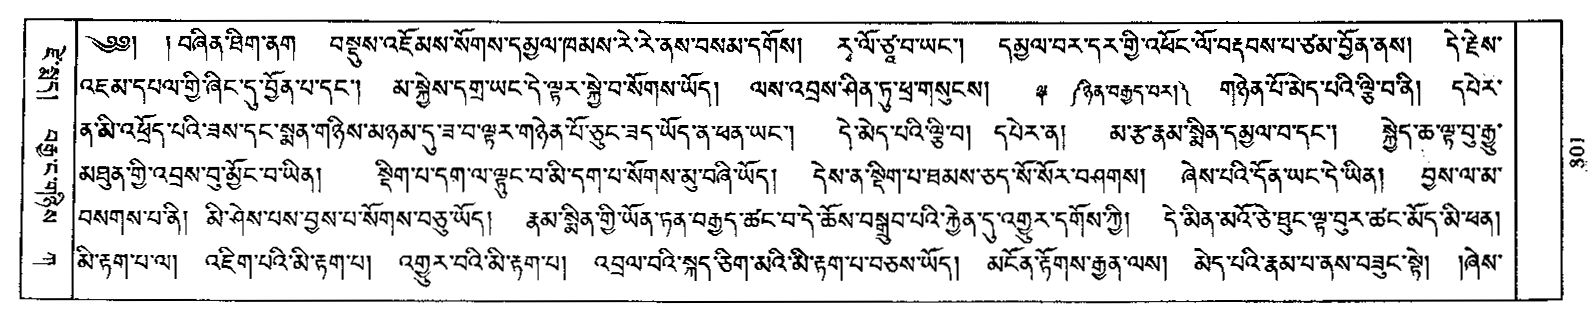༄༅། །བཞིན་ཐིག་ནག་བསྡུས་འཇོམས་སོགས་དམྱལ་ཁམས་རེ་རེ་ནས་བསམ་དགོས། རྭ་ལོ་ཙཱ་བ་ཡང་། དམྱལ་བར་དར་གྱི་འཕོང་ལོ་བརྡབས་པ་ཙམ་བྱོན་ནས། དེ་རྗེས་
འཇམ་དཔལ་གྱི་ཞིང་དུ་བྱོན་པ་དང་། མ་སྐྱེས་དགྲ་ཡང་དེ་ལྟར་སྐྱེ་བ་སོགས་ཡོད། ལས་འབྲས་ཤིན་ཏུ་ཕྲ་གསུངས། ༈ ?ཉིན་བརྒྱད་པར། གཉེན་པོ་མེད་པའི་ལྕི་བ་ནི། དཔེར་
ན་མི་འཕྲོད་པའི་ཟས་དང་སྨན་གཉིས་མཉམ་དུ་ཟ་བ་ལྟར་གཉེན་པོ་ཅུང་ཟད་ཡོད་ན་ཕན་ཡང་། དེ་མེད་པའི་ལྕི་བ། དཔེར་ན། མ་རྩ་རྣམ་སྨིན་དམྱལ་བ་དང་། སྐྱེད་ཆ་ལྟ་བུ་རྒྱུ་
མཐུན་གྱི་འབྲས་བུ་མྱོང་བ་ཡིན། སྡིག་པ་དག་ལ་ལྟུང་བ་མི་དག་པ་སོགས་མུ་བཞི་ཡོད། དེས་ན་སྡིག་པ་ཐམས་ཅད་སོ་སོར་བཤགས། ཞེས་པའི་དོན་ཡང་དེ་ཡིན། བྱས་ལ་མ་
བསགས་པ་ནི། མི་ཤེས་པས་བྱས་པ་སོགས་བཅུ་ཡོད། རྣམ་སྨིན་གྱི་ཡོན་ཏན་བརྒྱད་ཚང་བ་དེ་ཆོས་བསྒྲུབ་པའི་རྐྱེན་དུ་འགྱུར་དགོས་ཀྱི། དེ་མིན་མའོ་ཅེ་ཐུང་ལྟ་བུར་ཚང་མོད་མི་ཕན།
མི་རྟག་པ་ལ། འཇིག་པའི་མི་རྟག་པ། འགྱུར་བའི་མི་རྟག་པ། འབྲལ་བའི་སྐད་ཅིག་མའི་མི་རྟག་པ་བཅས་ཡོད། མངོན་རྟོགས་རྒྱན་ལས། མེད་པའི་རྣམ་པ་ནས་བཟུང་སྟེ། །ཞེས་